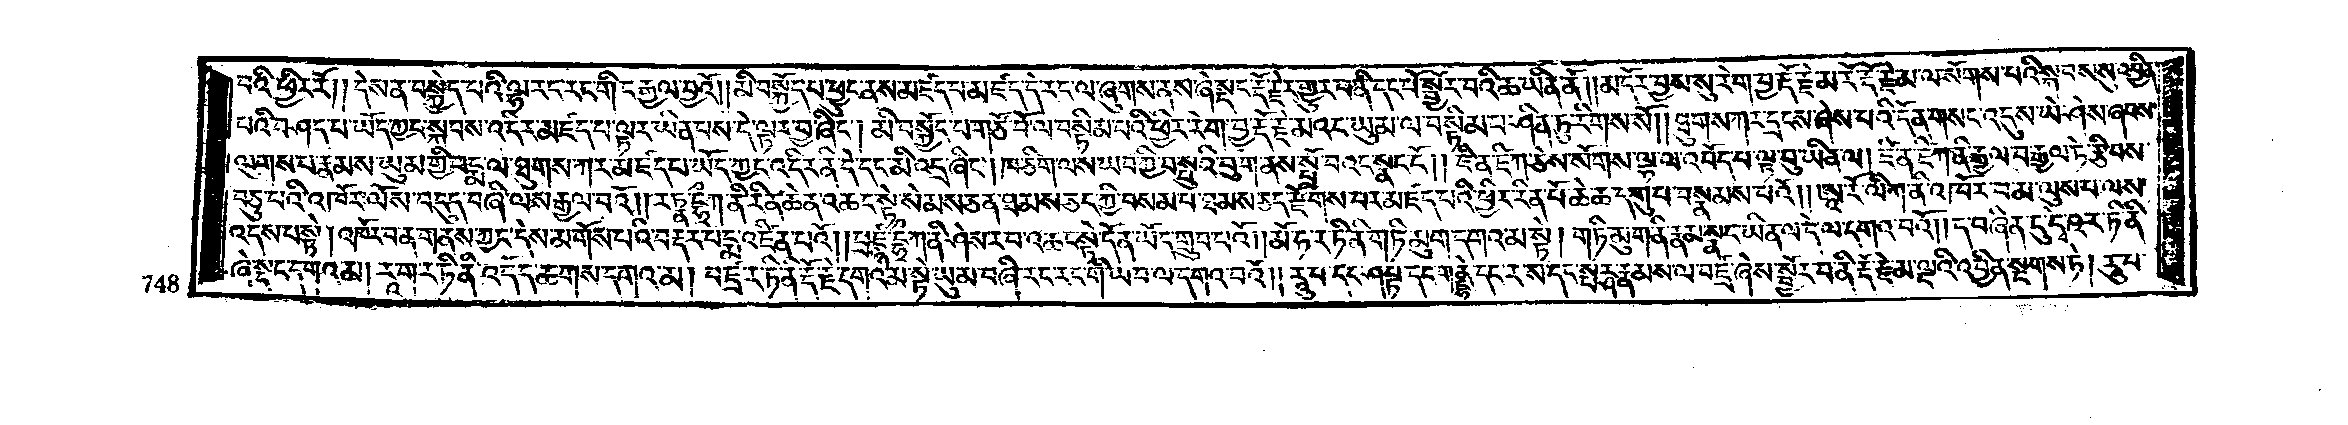བའི་ཕྱིར་རོ། །དེས་ན་བསྐྱེད་པའི་ལྷ་རང་རང་གི་ང་རྒྱལ་བྱའོ། །མི་བསྐྱོད་པ་ཕྱུང་ནས་མཛད་པ་མཛད་དེ་རང་ལ་ཞུགས་ནས་ཞེ་སྡང་རྡོ་རྗེར་གྱུར་པ་ནི་དང་པོ་སྦྱོར་བའི་ཆ་ཡིན་ནོ། །མདོར་བྱས་སུ་རེག་བྱ་རྡོ་རྗེ་མ་རོ་རྡོ་རྗེ་མ་ལ་སོགས་པའི་སྐབས་སུ་འབྱིན་
པའི་བཤད་པ་ཡོད་ཀྱང་སྐབས་འདིར་མཛད་པ་ལྟར་ཡིན་པས་དེ་ལྟར་བྱ་ཞིང་། མི་བསྐྱོད་པ་གཙོ་བོ་ལ་བསྟིམ་པའི་ཕྱིར་རེག་བྱ་རྡོ་རྗེ་མའང་ཡུམ་ལ་བསྟིམ་པ་ཤིན་ཏུ་རིགས་སོ། །ཐུགས་ཀར་དྲངས་ཞེས་པའི་དོན་གསང་འདུས་ཡེ་ཤེས་ཞབས་
ལུགས་པ་རྣམས་ཡུམ་གྱི་པདམ་ལ་ཐུགས་ཀར་མཛད་པ་ཡོད་ཀྱང་འདིར་ནི་དེ་དང་མི་འདྲ་ཞིང་། ཁ་ཅིག་ལས་ཡབ་ཀྱི་བ་སྤུའི་བུ་ག་ནས་སྤྲོ་བའང་སྣང་ངོ། །ཇི་ན་ཛིཀ་ཅེས་སོགས་ལྷ་ལ་འབོད་པ་ལྟ་བུ་ཡིན་ལ། ཛི་ན་ཛིཀ་ནི་རྒྱལ་བ་རྒྱལ་ཏེ་རྩིབས་
བཅུ་པའི་འཁོར་ལོས་བདུད་བཞི་ལས་རྒྱལ་བའོ། །རཏྣྀ་དྷྲྀཀ་ནི་རིན་ཆེན་འཆང་སྟེ་སེམས་ཅན་ཐམས་ཅད་ཀྱི་བསམ་པ་ཐམས་ཅད་རྫོགས་པར་མཛད་པའི་ཕྱིར་རིན་པོ་ཆེ་ཆ་དགུ་པ་བསྣམས་པའོ། །ཨཱ་རོ་ལིཀ་ནི་འཁོར་བ་མ་ལུས་པ་ལས་
འདས་པ་སྟེ། འཁོར་བ་ན་གནས་ཀྱང་དེས་མ་གས་པའི་བརྡར་པདམ་འཛིན་པའོ། །པྲཛྙ་དྷྲྀ་ཀ་ནི་ཤེས་རབ་འཆང་སྟེ་དོན་ཡོད་གྲུབ་པའོ། །མོ་ཧ་ར་ཏི་ནི་གཏི་མུག་དགའ་མ་སྟེ། གཏི་མུག་ནི་རྣམ་སྣང་ཡིན་ལ་དེ་ལ་དགའ་བའོ། །དེ་བཞིན་དུ་དྭེ་ཥ་ར་ཏི་ནི་
ཞེ་སྡང་དགའ་མ། རཱ་ག་ར་ཏི་ནི་འདོད་ཆགས་དགའ་མ། བཛྲ་ར་ཏི་ནི་རྡོ་རྗེ་དགའ་མ་སྟེ་ཡུམ་བཞི་རང་རང་གི་ཡབ་ལ་དགའ་བའོ། །རཱུ་པ་དང་ཤཔྟ་དང་གནྡྷེ་དང་ར་ས་དང་སྤརྴ་རྣམས་ལ་བཛྲ་ཞེས་སྦྱོར་བ་ནི་རྡོ་རྗེ་མ་ལྔའི་འབྱིན་སྔགས་ཏེ། རཱུ་པ་